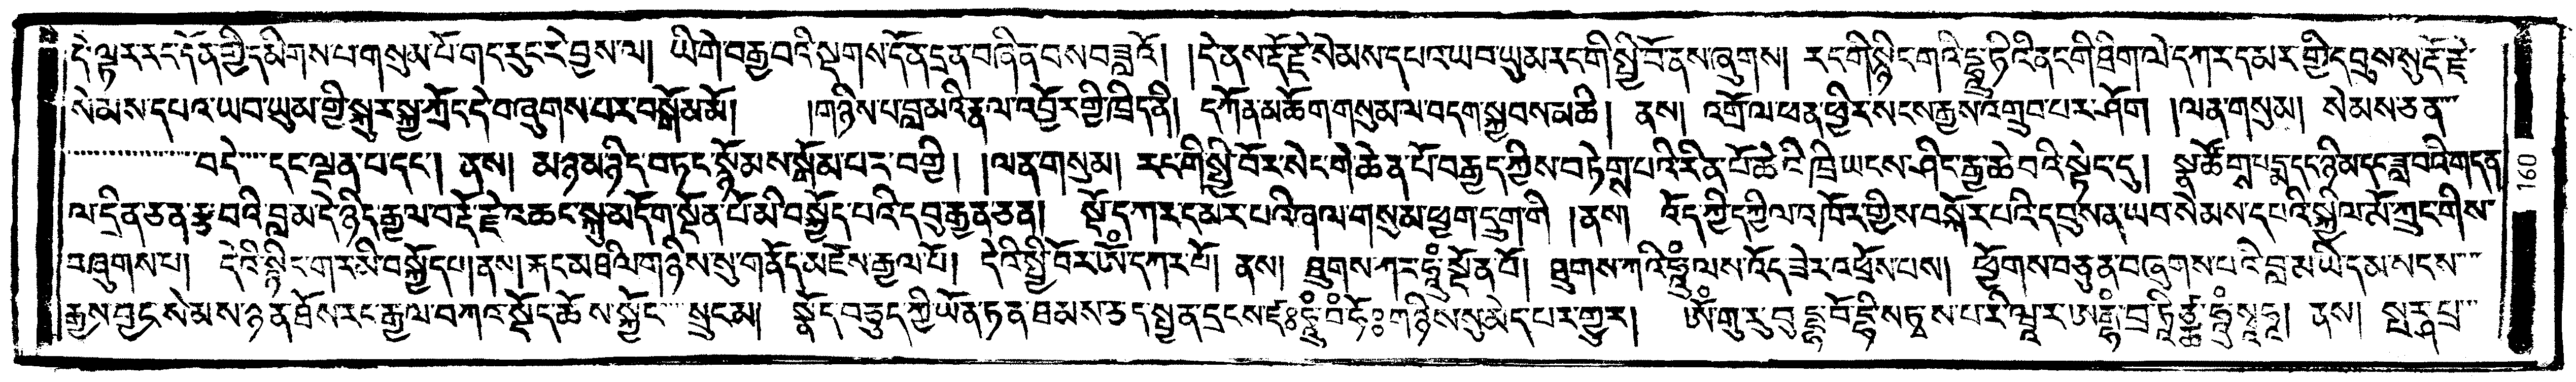དེ་ལྟར་རང་དོན་གྱི་དམིགས་པ་གསུམ་པོ་གང་རུང་རེ་བྱས་ལ། ཡི་གེ་བརྒྱ་བའི་སྔགས་དོན་དྲན་བཞིན་བས་བཟླའོ། །དེ་ནས་རྡོ་རྗེ་སེམས་དཔའ་ཡབ་ཡུམ་རང་གི་སྤྱི་བོ་ནས་ཞུགས། རང་གི་སྙིང་གའི་དྷཱུ་ཏིའི་ནང་གི་ཐིག་ལེ་དཀར་དམར་གྱི་དབུས་སུ་རྡོ་རྗེ་
སེམས་དཔའ་ཡབ་ཡུམ་གྱི་སྐུར་སྐྱ་ཀྲོང་དེ་བཞུགས་པར་བསྒོམ་མོ། །གཉིས་པ་བླ་མའི་རྣལ་འབྱོར་གྱི་ཁྲིད་ནི། དཀོན་མཆོག་གསུམ་ལ་བདག་སྐྱབས་མཆི། ནས། འགྲོ་ལ་ཕན་ཕྱིར་སངས་རྒྱས་འགྲུབ་པར་ཤོག །ལན་གསུམ། སེམས་ཅན་
བདེ་དང་ལྡན་པ་དང་། ནས། མཉམ་ཉིད་བཏང་སྙོམས་སྒོམ་པར་བགྱི། །ལན་གསུམ། རང་གི་སྤྱི་བོར་སེང་གེ་ཆེན་པོ་བརྒྱད་ཀྱིས་བཏེགས་པའི་རིན་པོ་ཆེའི་ཁྲི་ཡངས་ཤིང་རྒྱ་ཆེ་བའི་སྟེང་དུ། སྣ་ཚོགས་པདམ་དང་ཉི་མ་དང་ཟླ་བའི་གདན་
ལ་དྲིན་ཅན་རྩ་བའི་བླ་མ་དེ་ཉིད་རྒྱལ་བ་རྡོ་རྗེ་འཆང་སྐུ་མདོག་སྔོན་པོ་མི་བསྐྱོད་པའི་དབུ་རྒྱན་ཅན། སྔོ་དཀར་དམར་པའི་ཞལ་གསུམ་ཕྱག་དྲུག་གི །ནས། བོད་ཀྱི་དཀྱིལ་འཁོར་གྱིས་བསྐོར་བའི་དབུས་ན་ཡབ་སེམས་དཔའི་སྐྱིལ་མོ་ཀྲུང་གིས་
བཞུགས་པ། དེའི་སྙིང་གར་མི་བསྐྱོད་པ། ནས། རྐང་མཐིལ་གཉིས་སུ་གནོད་མཛེས་རྒྱལ་པོ། དེའི་སྤྱི་བོར་ཨོཾ་དཀར་པོ། ནས། ཐུགས་ཀར་ཧཱུཾ་སྔོན་པོ། ཐུགས་ཀའི་ཧཱུཾ་ལས་འོད་ཟེར་འཕྲོས་པས། ཕྱོགས་བཅུ་ན་བཞུགས་པའི་བླ་མ་ཡི་དམ་སངས་
རྒྱས་བྱང་སེམས་ཉན་ཐོས་རང་རྒྱལ་བཀའ་སྡོད་ཆོས་སྐྱོང་སྲུང་མ། སྣོད་བཅུད་ཀྱི་ཡོན་ཏན་ཐམས་ཅད་སྤྱན་དྲངས་ཛཿ ཧཱུཾ་བཾ་ཧོཿ གཉིས་སུ་མེད་པར་གྱུར། ཨོཾ་གུ་རུ་བུདྡྷ་བོ་དྷི་སཏྭ་ས་པ་རི་ཝཱ་ར་ཨརྒྷཾ་པྲ་ཏཱིཙྪ་ཧཱུཾ་སྭཱཧཱ། ནས། སྤརྴ་པྲ་